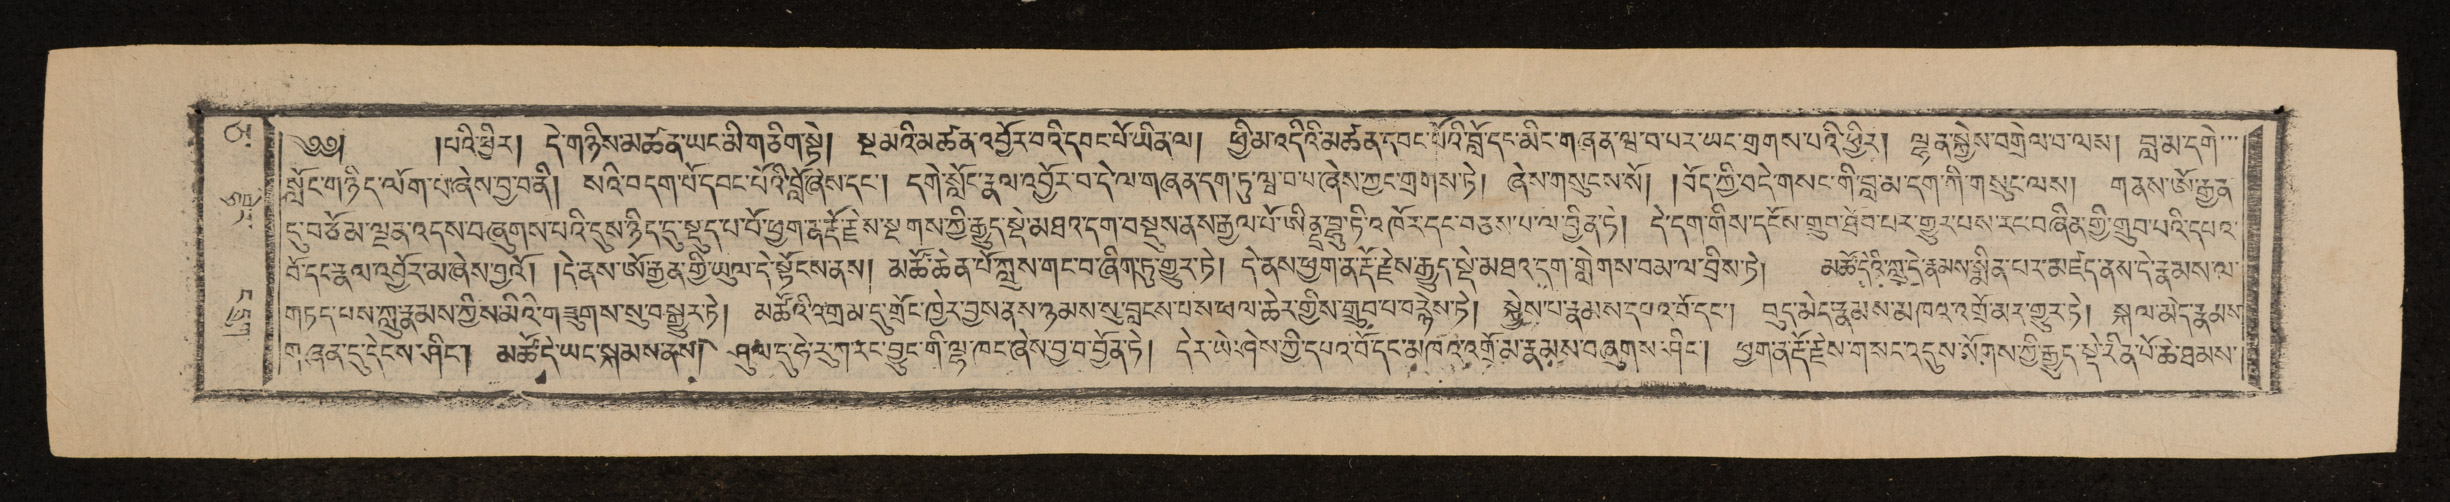༄༅། །པའི་ཕྱིར། དེ་གཉིས་མཚན་ཡང་མི་གཅིག་སྟེ། སྔ་མའི་མཚན་འབྱོར་པའི་དབང་པོ་ཡིན་ལ། ཕྱི་མ་འདིའི་མཚན་དབང་པོའི་བློ་དང་མིང་གཞན་ལྭ་བ་པར་ཡང་གྲགས་པའི་ཕྱིར། ལྷན་སྐྱེས་འགྲེལ་པ་ལས། བླ་མ་དགེ་
སློང་གཉིད་ལོག་བ་ཞེས་བྱ་བ་ནི། སའི་བདག་པོ་དབང་པོའི་བློ་ཞེས་དང་། དགེ་སློང་རྣལ་འབྱོར་པ་དེ་ལ་གཞན་དག་ཏུ་ལྭ་བ་བ་ཞེས་ཀྱང་གྲགས་ཏེ། ཞེས་གསུངས་སོ། །བོད་ཀྱི་བདེ་གསང་གི་བླ་མ་དག་གི་གསུངས་ལས། གནས་ཨོ་རྒྱན་
དུ་བཅོམ་ལྡན་འདས་བཞུགས་པའི་དུས་ཉིད་དུ་སྡུད་པ་པོ་ཕྱག་ན་རྡོ་རྗེས་སྔགས་ཀྱི་རྒྱུད་སྡེ་མཐའ་དག་བསྡུས་ནས་རྒྱལ་པོ་ཨིནྡྲ་བྷུ་ཏི་འཁོར་དང་བཅས་པ་ལ་བྱིན་ཏེ། དེ་དག་གིས་དངོས་གྲུབ་ཐོབ་པར་གྱུར་པས་རང་བཞིན་གྱི་གྲུབ་པའི་དཔའ་
བོ་དང་རྣལ་འབྱོར་མ་ཞེས་བྱའོ། །དེ་ནས་ཨོ་རྒྱན་གྱི་ཡུལ་དེ་སྟོངས་ནས། མཚོ་ཆེན་བོ་ཀླུས་གང་བ་ཞིག་ཏུ་གྱུར་ཏེ། དེ་ནས་ཕྱག་ན་རྡོ་རྗེས་རྒྱུད་སྡེ་མཐའ་དག་གླེགས་བམ་ལ་བྲིས་ཏེ། མཚོ་དེའི་ཀླུ་དེ་རྣམས་སྨིན་པར་མཛད་ནས་དེ་རྣམས་ལ་
གཏད་པས་ཀླུ་རྣམས་ཀྱིས་མིའི་གཟུགས་སུ་བསྒྱུར་ཏེ། མཚོའི་འགྲམ་དུ་གྲོང་ཁྱེར་བྱས་ནས་ཉམས་སུ་བླངས་པས་ཕལ་ཆེར་གྱིས་གྲུབ་པ་བརྙེས་ཏེ། སྐྱེས་པ་རྣམས་དཔའ་བོ་དང་། བུད་མེད་རྣམས་མཁའ་འགྲོ་མར་གྱུར་ཏེ། སྐལ་མེད་རྣམས་
གཞན་དུ་དེངས་ཤིང་། མཚོ་དེ་ཡང་སྐམས་ནས། ཤུལ་དུ་ཧེ་རུ་ཀ་རང་བྱུང་གི་ལྷ་ཁང་ཞེས་བྱ་བ་བྱོན་ཏེ། དེར་ཡེ་ཤེས་ཀྱི་དཔའ་བོ་དང་མཁའ་འགྲོ་མ་རྣམས་བཞུགས་ཤིང་། ཕྱག་ན་རྡོ་རྗེས་གསང་འདུས་སོགས་ཀྱི་རྒྱུད་སྡེ་རིན་པོ་ཆེ་ཐམས་